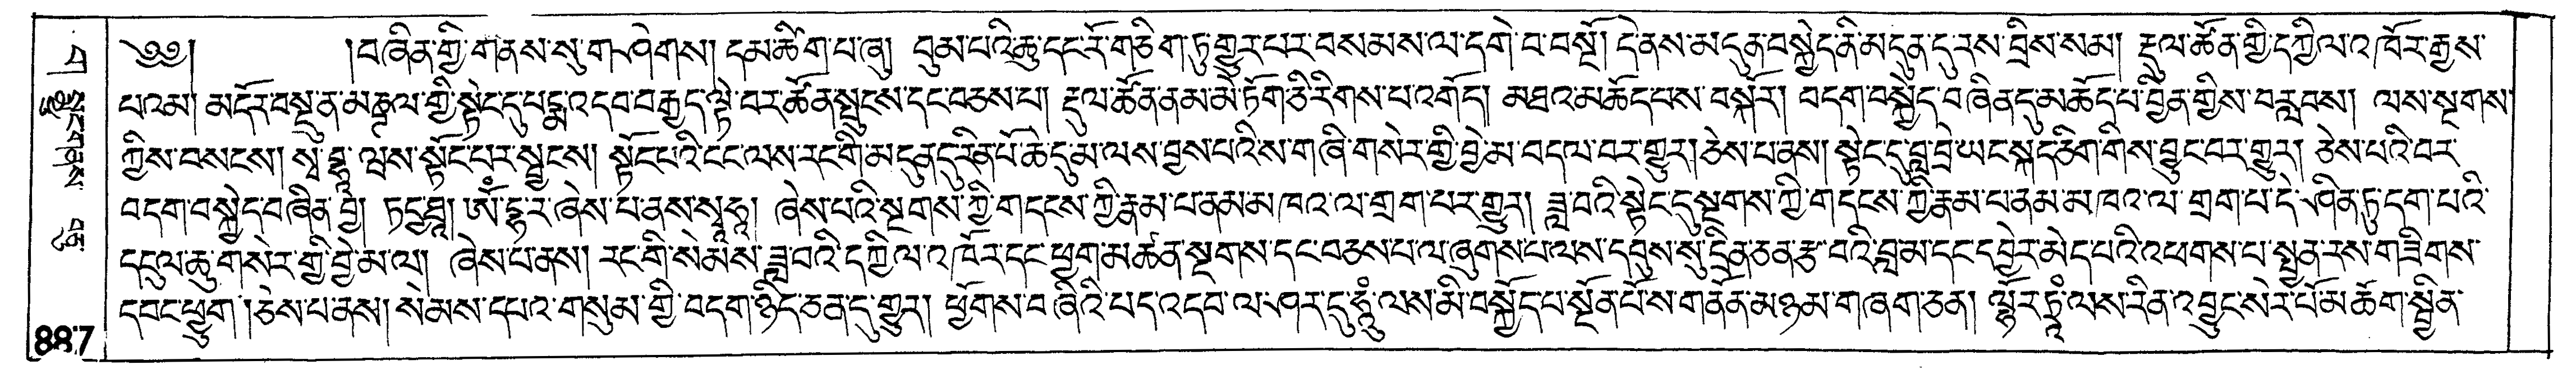༄༅། །བཞིན་གྱི་གནས་སུ་གཤེགས། དམ་ཚིག་པ་ཞུ། བུམ་པའི་ཆུ་དང་རོ་གཅིག་ཏུ་གྱུར་པར་བསམས་ལ་དགེ་བ་བསྔོ། དེ་ནས་མདུན་བསྐྱེད་ནི་མདུན་དུ་རས་བྲིས་སམ། རྡུལ་ཚོན་གྱི་དཀྱིལ་འཁོར་རྒྱས་
པའམ། མདོར་བསྡུ་ན་མཎྚལ་གྱི་སྟེང་དུ་པདམ་འདབ་བརྒྱད་ལྟེ་བར་ཚོན་སྤུངས་དང་བཅས་པ། རྡུལ་ཚོན་ནམ་མེ་ཏོག་ཅི་རིགས་པ་འགོད། མཐའ་མཆོད་པས་བསྐོར། བདག་བསྐྱེད་བཞིན་དུ་མཆོད་པ་བྱིན་གྱིས་བརླབས། ལས་སྔགས་
ཀྱིས་བསངས། སྭ་བྷཱ་ཝས་སྟོང་པར་སྦྱངས། སྟོང་པའི་ངང་ལས་རང་གི་མདུན་དུ་རིན་པོ་ཆེ་དུ་མ་ལས་བྱས་པའི་ས་གཞི་གསེར་གྱི་བྱེ་མ་བདལ་བར་གྱུར། ཅེས་པ་ནས། སྟེང་དུ་བླ་བྲེ་ཡང་སྐད་ཅིག་གིས་བྱུང་བར་གྱུར། ཅེས་པའི་བར་
བདག་བསྐྱེད་བཞིན་བྱ། ཏདྱ་ཐཱ། ཨོཾ་དྷ་ར་ཞེས་པ་ནས་སྭཱཧཱ། ཞེས་པའི་སྔགས་ཀྱི་གདངས་ཀྱི་རྣམ་པ་ནམ་མཁའ་ལ་གྲག་པར་གྱུར། ཟླ་བའི་སྟེང་དུ་སྔགས་ཀྱི་གདངས་ཀྱི་རྣམ་པ་ནམ་མཁའ་ལ་གྲག་པ་དེ་ཤིན་ཏུ་དག་པའི་
དངུལ་ཆུ་གསེར་གྱི་བྱེ་མ་ལ། ཞེས་པ་ནས། རང་གི་སེམས་ཟླ་བའི་དཀྱིལ་འཁོར་དང་ཕྱག་མཚན་སྔགས་དང་བཅས་པ་ལ་ཞུགས་པ་ལས་དབུས་སུ་དྲིན་ཅན་རྩ་བའི་བླ་མ་དང་དབྱེར་མེད་པའི་འཕགས་པ་སྤྱན་རས་གཟིགས་
དབང་ཕྱུག །ཅེས་པ་ནས། སེམས་དཔའ་གསུམ་གྱི་བདག་ཉིད་ཅན་དུ་གྱུར། ཕྱོགས་བཞིའི་པད་འདབ་ལ་ཤར་དུ་ཧཱུཾ་ལས་མི་བསྐྱོད་པ་སྔོན་པོ་ས་གནོན་མཉམ་གཞག་ཅན། ལྷོར་ཏྲཱཾ་ལས་རིན་འབྱུང་སེར་པོ་མཆོག་སྦྱིན་